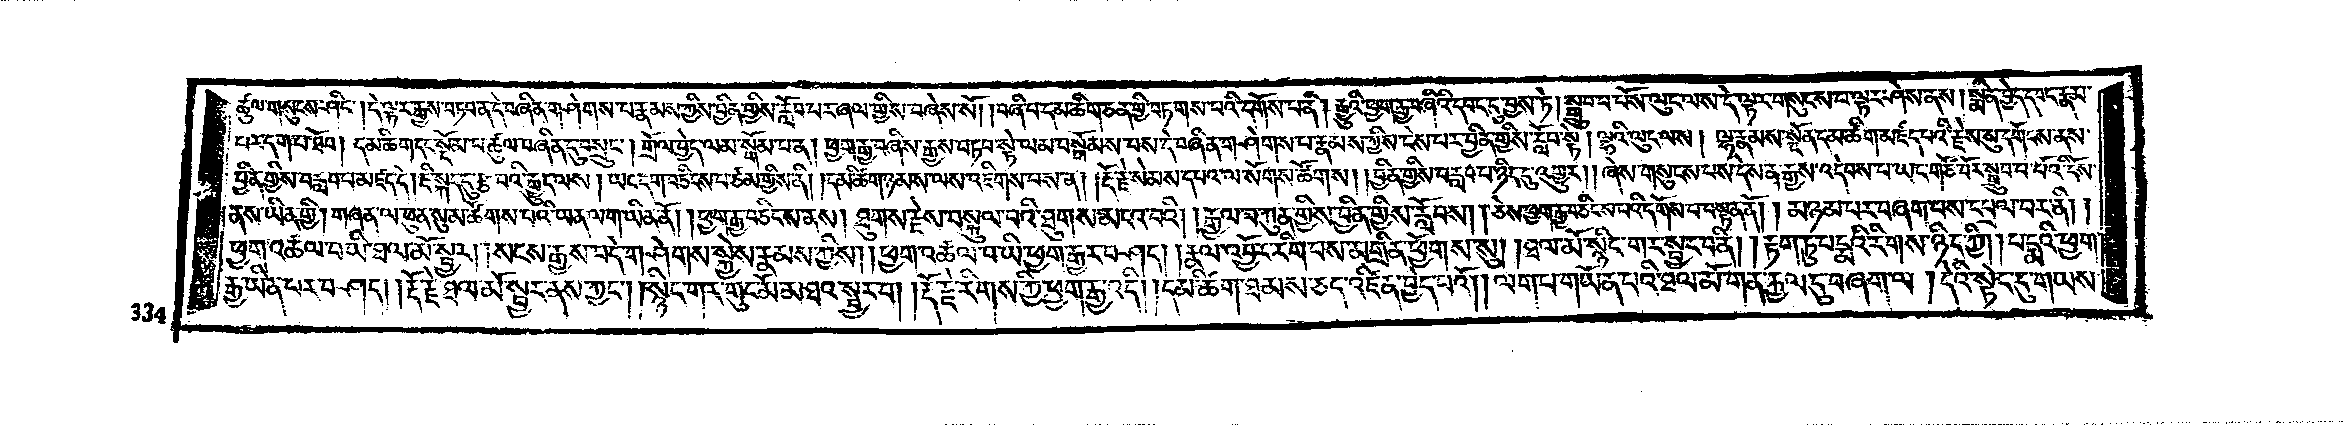ཚུལ་གསུངས་ཤིང་། དེ་ལྟར་རྒྱས་བཏབ་ན་དེ་བཞིན་གཤེགས་པ་རྣམས་ཀྱིས་བྱིན་གྱིས་རློབ་པར་ཞལ་གྱིས་བཞེས་སོ། །བཞི་པ་དམ་ཚིག་ཅན་གྱི་བཏགས་པའི་དགོས་པ་ནི། རྒྱུའི་ཕྱག་རྒྱ་བཞིའི་དབང་དུ་བྱས་ཏེ། སྒྲུབ་པ་པོས་ལུང་ལས་དེ་ལྟར་གསུངས་བ་ལྟར་ཤེས་ནས། སྨིན་བྱེད་དབང་རྣམ་
པར་དག་པ་ཐོབ། དམ་ཚིག་དང་སྡོམ་པ་ཚུལ་བཞིན་དུ་བསྲུང་། གྲོལ་བྱེད་ལམ་སྒོམ་པ་ན། ཕྱག་རྒྱ་བཞིས་རྒྱས་བཏབ་སྟེ་ལམ་བསྒོམས་པས་དེ་བཞིན་གཤེགས་པ་རྣམས་ཀྱིས་ངེས་པར་བྱིན་གྱིས་རློབ་སྟེ། ལྷའི་ལུང་ལས། ལྷ་རྣམས་སྔོན་དམ་ཚིག་མཛད་པའི་རྗེས་སུ་དགོངས་ནས་
བྱིན་གྱིས་བརླབ་པ་མཛད་དེ། ཇི་སྐད་དུ་རྩ་བའི་རྒྱུད་ལས། ཡང་དག་བཅིངས་པ་ཙམ་གྱིས་ནི། །དམ་ཚིག་ཉམས་ལས་འཇིགས་པས་ན། །རྡོ་རྗེ་སེམས་དཔའ་ལ་སོགས་ཚོགས། །བྱིན་གྱིས་བརླབ་པ་ཉིད་དུ་འགྱུར། །ཞེས་གསུངས་པས་དེས་ན་རྒྱས་འདེབས་པ་ཡང་གཙོ་བོར་སྒྲུབ་པ་པོའི་ངོས་
ནས་ཡིན་གྱི། གཞན་ལ་ཕུན་སུམ་ཚོགས་པའི་ཡན་ལག་ཡིན་ནོ། །ཕྱག་རྒྱ་བཅིངས་ནས། ཐུགས་རྗེས་བསྐུལ་བའི་ཐུགས་མངའ་བའི། །རྒྱལ་བ་ཀུན་གྱིས་བྱིན་གྱིས་རློབས། །ཅེས་ཕྱག་རྒྱ་བཅིངས་པའི་དགོས་པ་བསྟན་ནོ།  །མཉམ་པར་བཞག་པས་དཔྲལ་བར་ནི། །
ཕྱག་འཚལ་བ་ཡི་ཐལ་མོ་སྦྱར། །སངས་རྒྱས་བདེ་གཤེགས་སྐྱེས་རྣམས་ཀྱིས། །ཕྱག་འཚལ་བ་ཡི་ཕྱག་རྒྱར་བཤད། །རྣལ་འབྱོར་རིག་པས་མགྲིན་ཕྱོགས་སུ། །ཐལ་མོ་སྙིང་གར་སྦྱར་བ་ནི། །རྟག་ཏུ་པདམའི་རིགས་ཉིད་ཀྱི། །པདམའི་ཕྱག་
རྒྱ་ཡིན་པར་བཤད། །རྡོ་རྗེ་ཐལ་མོ་སྦྱར་ནས་ཀྱང་། །སྙིང་གར་གུང་མོ་མཐའ་སྦྱར་བ། །རྡོ་རྗེ་རིགས་ཀྱི་ཕྱག་རྒྱ་འདི། །དམ་ཚིག་ཐམས་ཅད་འཛིན་བྱེད་པའོ། །ལག་པ་གཡོན་པའི་ཐལ་མོ་གན་རྐྱལ་དུ་བཞག་ལ། དེའི་སྟེང་དུ་གཡས་